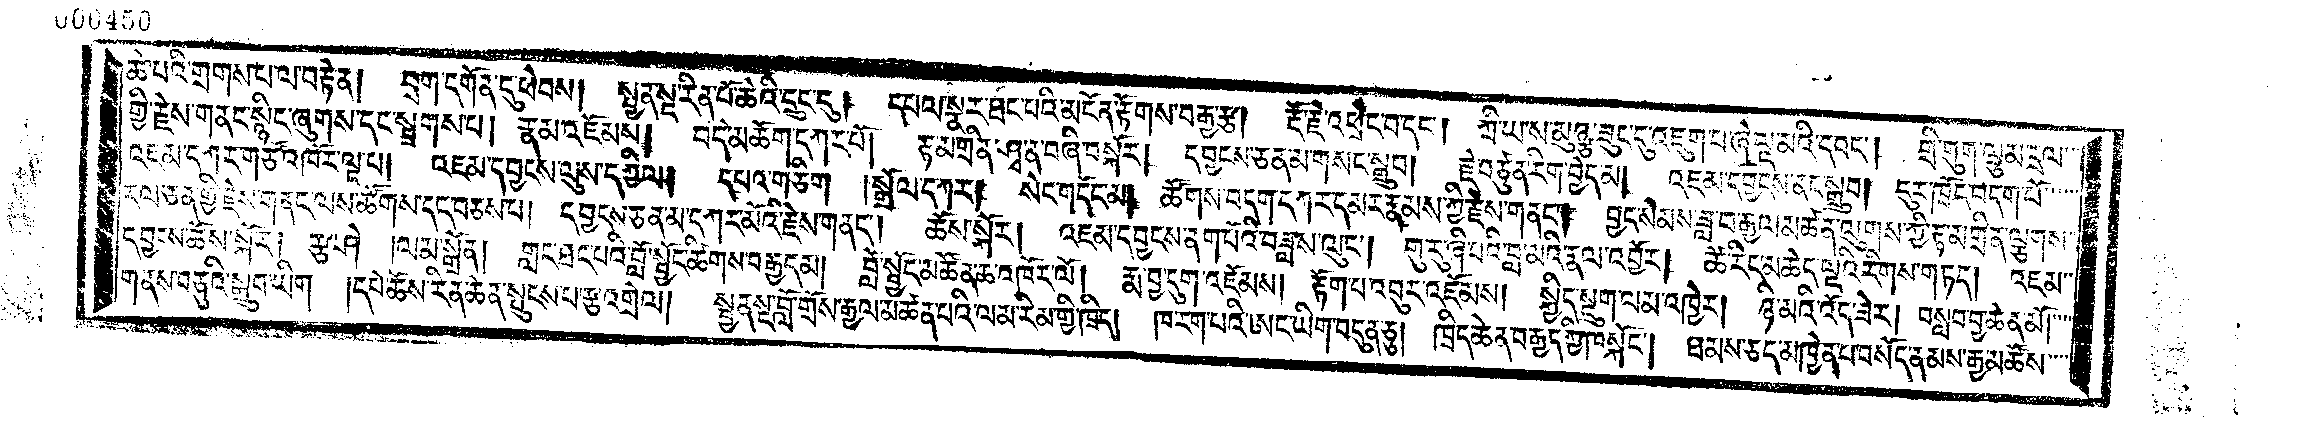ཆེ་བའི་གྲགས་པ་ལ་བརྟེན། བྲག་དགོན་དུ་ཕེབས། སྤྱན་སྔ་རིན་པོ་ཆེའི་དྲུང་དུ། དཔལ་སྣར་ཐང་པའི་མངོན་རྟོགས་བརྒྱ་རྩ། རྡོ་རྗེ་འཕྲེང་བ་དང་། ཀྲི་ཡ་ས་མུཉྩ་ཟུང་དུ་འཇུག་པ་ཞེ་ལྔ་མའི་དབང་། གྲི་གུག་ལྕམ་དྲལ་
གྱི་རྗེས་གནང་སྙིང་ཞུགས་དང་སྦྲགས་པ། རྣམ་འཇོམས། བདེ་མཆོག་དཀར་པོ། རྟ་མགྲིན་ཤྭ་ན་བཞི་བསྐོར། དབྱངས་ཅན་མ་གསང་སྒྲུབ། རྗེ་བཙུན་རིག་བྱེད་མ། འཇམ་དབྱངས་ནང་སྒྲུབ། དུར་ཁྲོད་བདག་པོ་
འཇམ་དཀར་གཙོ་འཁོར་ལྔ་པ། འཇམ་དབྱངས་ལུས་དཀྱིལ། དཔའ་གཅིག །སྒྲོལ་དཀར། སེང་གདོང་མ། ཚོགས་བདག་དཀར་དམར་རྣམས་ཀྱི་རྗེས་གནང་། བྱང་སེམས་ཟླ་བ་རྒྱལ་མཚན་ལུགས་ཀྱི་རྟ་མགྲིན་ལྕགས།
རལ་ཅན་གྱི་རྗེས་གནང་ལས་ཚོགས་དང་བཅས་པ། དབྱངས་ཅན་མ་དཀར་མོའི་རྗེས་གནང་། ཆོས་སྐོར། འཇམ་དབྱངས་ནག་པོའི་བཟླས་ལུང་། གུ་རུ་ཞི་བའི་བླ་མའི་རྣལ་འབྱོར། ཚེ་རིང་མཆེད་ལྔའི་རིགས་གཏད། འཇམ་
དབྱངས་ཆོས་སྐོར། རྩ་ཤེ་།ལམ་སྒྲོན། གླང་ཐང་པའི་བློ་སྦྱོང་ཚིགས་བརྒྱད་མ། བློ་སྦྱོང་མཚོན་ཆ་འཁོར་ལོ། རྨ་བྱ་དུག་འཇོམས། རྟོག་པ་འབུར་འཇོམས། སྐྱིད་སྡུག་ལམ་འཁྱེར། ཉི་མའི་འོད་ཟེར། བསླབ་བྱ་ཆེན་མོ།
གནས་བཅུའི་སྒྲུབ་ཡིག །དཔེ་ཆོས་རིན་ཆེན་སྤུངས་པ་རྩ་འགྲེལ། སྤྱན་སྔ་བློ་གྲོས་རྒྱལ་མཚན་པའི་ལམ་རིམ་གྱི་ཁྲིད། ཁ་རག་པའི་ཨང་ཡིག་བདུན་ཅུ། ཁྲིད་ཆེན་བརྒྱད་ཀྱི་ཁ་སྐོང་། ཐམས་ཅད་མཁྱེན་པ་བསོད་ནམས་རྒྱ་མཚོས་